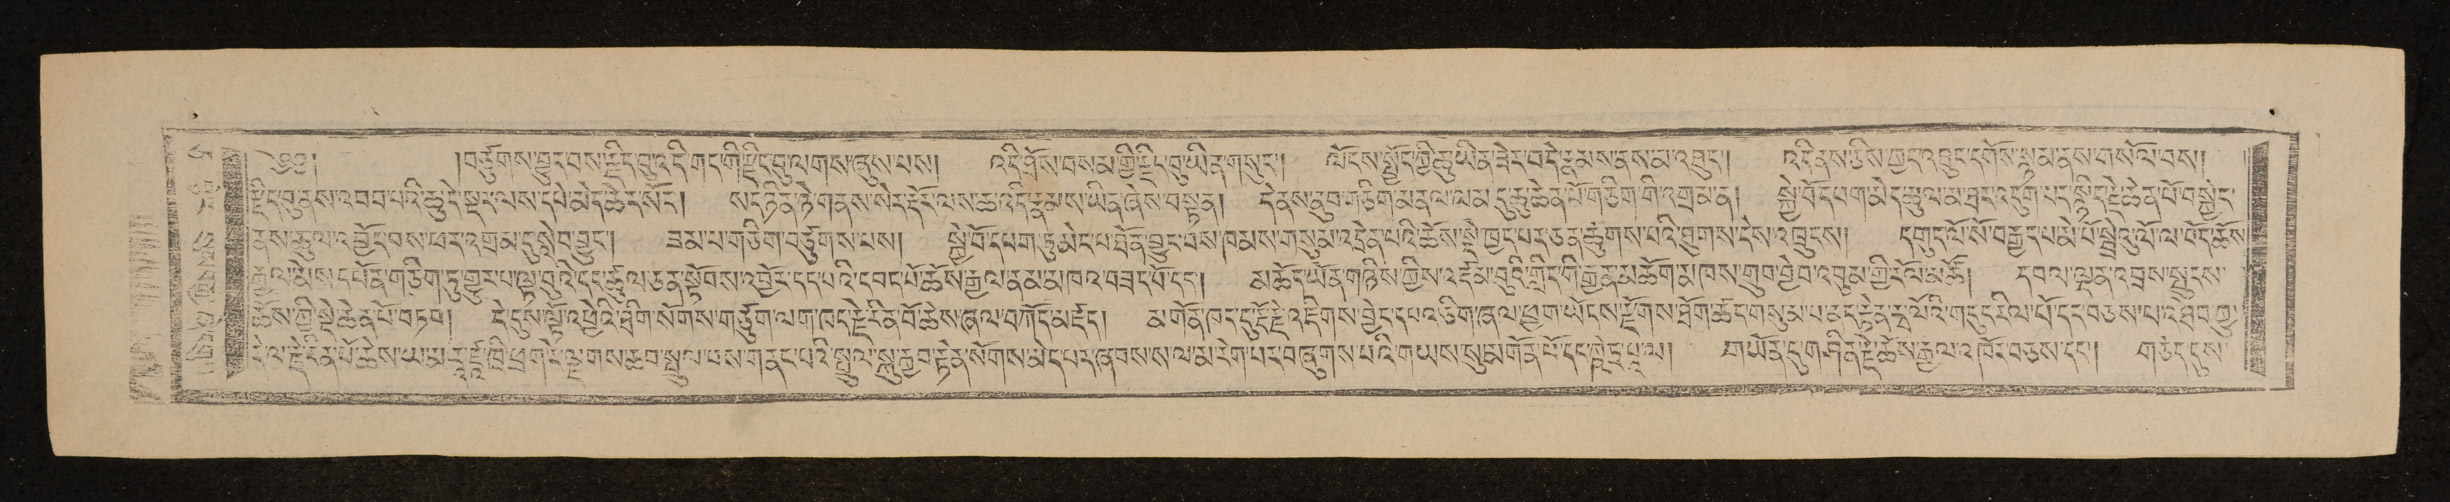༄༅། །བཙུགས་བྱུང་བས་རྫིང་བུ་འདི་གང་གི་རྫིང་བུ་ལགས་ཞུས་པས། འདི་ཐོས་བསམ་གྱི་རྫིང་བུ་ཡིན་གསུང་། ལོངས་སྤྱོད་ཀྱི་ཆུ་ཡིན་ཟེར་བདེ་རྣམས་ནས་མ་འཐུང་། འདི་ནས་ཅིས་ཀྱང་འཐུང་དགོས་སྙམ་ནས་གསོལ་བས།
རྫིང་བུ་ནས་འབབ་པའི་ཆུ་དེ་སྔར་ལས་དཔེ་མེད་ཆེར་སོང་། སང་ཉིན་ཉེ་གནས་སེང་རྡོར་ལས་ཆ་འདི་རྣམས་ཡིན་ཞེས་བསྟན། དེ་ནས་ནུབ་གཅིག་མནལ་ལམ་དུ་ཆུ་ཆེན་པོ་གཅིག་གི་འགྲམ་ན། སྐྱེ་བོ་དཔག་མེད་ཆུ་ལམ་ཐར་འདུག་པར་སྙིང་རྗེ་ཆེན་པོ་བསྐྱེད་
ནས་ཆུ་ལ་འཕྱོང་བས་ཕར་འགྲམ་དུ་སླེབ་བྱུང་། ཟམ་པ་གཅིག་བཙུགས་པས། སྐྱེ་བོ་དཔག་ཏུ་མེད་པ་ཐོན་བྱུང་བས་ཁམས་གསུམ་འདྲེན་པའི་ཆོས་སྡེ་ཁྱད་པར་ཅན་ཚུགས་པའི་ཐུགས་ངེས་འཁྲུངས། དགུང་ལོ་སོ་བརྒྱད་བ་མེ་ཕོ་སྤྲེའུ་ལོ་ལ་བོད་ཆོས་
རྒྱལ་མེས་དཔོན་གཅིག་ཏུ་གྱུར་པ་ལྟ་བུའི་དང་ཚུལ་ཅན་སྟོབས་འབྱོར་དད་པའི་དབང་པོ་ཆོས་རྒྱལ་ནམ་མཁའ་བཟང་པོ་དང་། མཆོད་ཡོན་གཉིས་ཀྱིས་འཛམ་བུའི་གླིང་གི་རྒྱན་མཆོག་མཁས་གྲུབ་བྱེ་བ་འབུམ་གྱི་རོལ་མཚོ། དཔལ་ལྡན་འབྲས་སྤུངས་
ཆོས་ཀྱི་སྡེ་ཆེན་པོ་བཏབ། དེ་དུས་ལྟོ་འཕྱེའི་ཐིག་སོགས་གཙུག་ལག་ཁང་རྗེ་རིན་པོ་ཆེས་ཞལ་བཀོད་མཛད། མགོན་ཁང་དུ་རྡོ་རྗེ་འཇིགས་བྱེད་དཔའ་ཅིག་ཞལ་ཕྱག་ཡོངས་རྫོགས་ཐོག་ཚད་གསུམ་པ་ནང་རྟེན་རྭ་ལོའི་གདུང་རིལ་པོ་དང་བཅས་པ་འཐེབ་ཀྱུ་
རེལ་རྗེ་རིན་པོ་ཆེས་ཡ་མ་རཱ་ཛཱ་ཁྲི་ཕྲག་རེ་ལྗགས་ཆབ་སྤྲུལ་བས་གནང་བའི་སྤྲུལ་སྐུ་རྒྱབ་རྟེན་སོགས་མེད་པར་ཞབས་སལ་མ་རེག་པར་བཞུགས་པའི་གཡས་སུ་མགོན་པོ་དད་ཀྵེ་ཏྲ་བཱ་ལ། གཡོན་དུ་གཤིན་རྗེ་ཆོས་རྒྱལ་འཁོར་བཅས་དང་། གཙང་དུས་